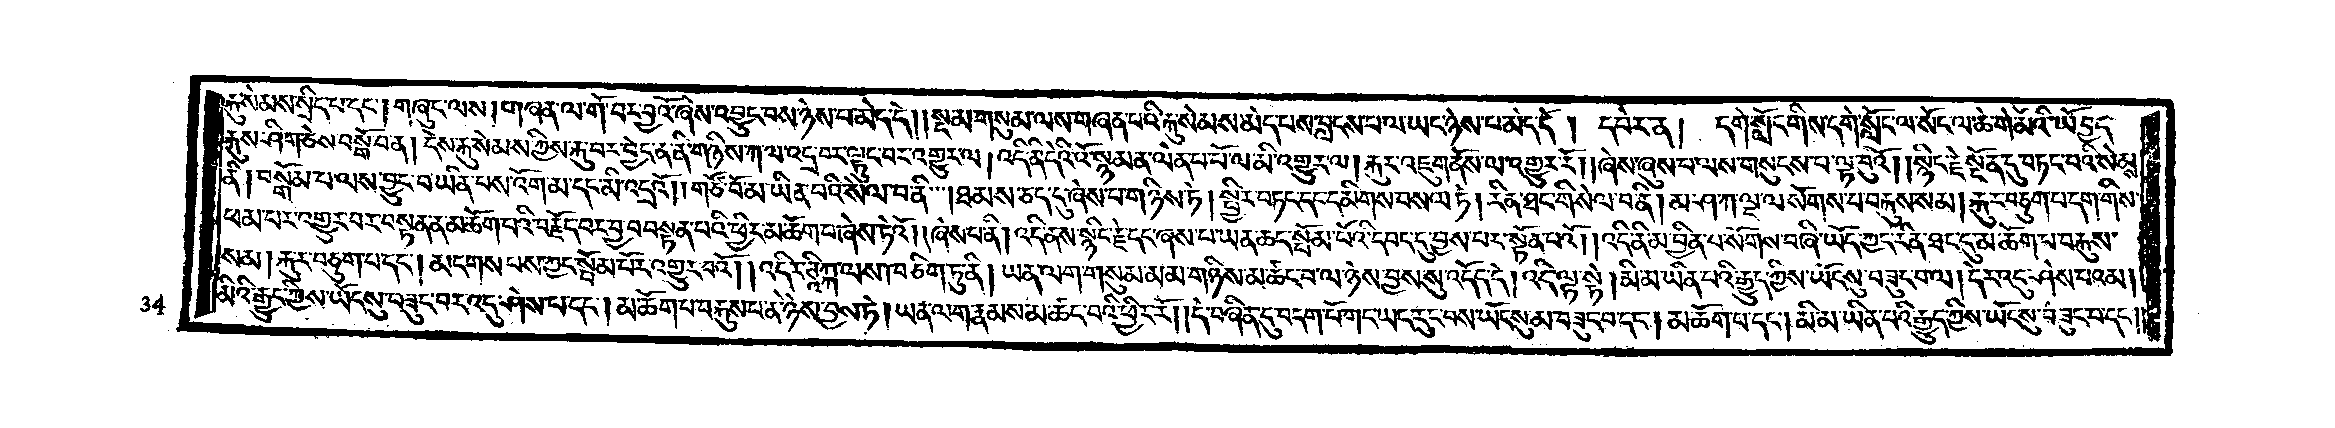རྐུ་སེམས་སྲིད་པ་དང་། གཞུང་ལས། གཞན་ལ་གོ་བར་བྱའོ་ཞེས་འབྱུང་བས་ཉེས་པ་མེད་དོ། །སྔ་མ་གསུམ་ལས་གཞན་པའི་རྐུ་སེམས་མེད་པས་བླངས་པ་ལ་ཡང་ཉེས་པ་མེད་དེ། དཔེར་ན། དགེ་སློང་གིས་དགེ་སློང་ལ་སོང་ལ་ཆེ་གེ་མོའི་ཡེ་བྱེད་
རྐུས་ཤིག་ཅེས་བསྒོ་བ་ན། དེས་རྐུ་སེམས་ཀྱིས་རྐུ་བར་བྱེད་ན་ནི་གཉིས་ཀ་ལ་འདྲ་བར་ལྟུང་བར་འགྱུར་ལ། འདི་ནི་དེའི་འོ་སྙམ་ན་ལེན་པ་པོ་ལ་མི་འགྱུར་ལ། རྐུར་འཇུག་ནོས་ལ་འགྱུར་རོ། །ཞེས་ཞུས་པ་ལས་གསུངས་པ་ལྟ་བུའོ། །སྙིང་རྗེ་སྔོན་དུ་བཏང་བའི་སེམས་
ནི། བསྒོམ་པ་ལས་བྱུང་བ་ཡིན་པས་འོག་མ་དང་མི་འདྲའོ། །གཙོ་བོ་མ་ཡིན་པའི་སེལ་བ་ནི། ཐམས་ཅད་དུ་ཞེས་པ་གཉིས་ཏེ། སྤྱིར་བཏང་དང་དམིགས་བསལ་ཏེ། རིན་ཐང་གི་སེལ་བ་ནི། མ་ཤ་ཀ་ལྔ་ལ་སོགས་པ་བརྐུས་སམ། རྐུར་བཅུག་པ་དག་གིས་
ཕམ་པར་འགྱུར་བར་བསྟན་ན་མ་ཆོག་པའི་བརྗོད་པར་བྱ་བ་བསྟན་པའི་ཕྱིར་མ་ཆོག་པ་ཞེས་ཏེའོ། །ཞེས་པ་ནི། འདི་ནས་སྙིང་རྗེ་དང་ཞས་པ་ཡན་ཆད་སྦོམ་པོའི་དབང་དུ་བྱས་པར་སྟོན་པའོ། །འདི་ནི་མ་བྱིན་པ་སོགས་བཞི་ཡོད་ཀྱང་རིན་ཐང་དུ་མ་ཆོག་པ་བརྐུས་
སམ། རྐུར་བཅུག་པ་དང་། མངགས་པས་ཀྱང་སྦོམ་པོར་འགྱུར་བའོ། །འདིར་ཊཱིཀྐ་ལས་ཁ་ཅིག་ཏུ་ནི། ཡན་ལག་གསུམ་མམ་གཉིས་མ་ཚང་བ་ལ་ཉེས་བྱས་སུ་འདོད་དེ། འདི་ལྟ་སྟེ། མི་མ་ཡིན་པའི་རྒྱུད་ཀྱིས་ཡོངས་སུ་བཟུང་བ་ལ། དེར་འདུ་ཤེས་པའམ།
མིའི་རྒྱུད་ཀྱིས་ཡོངས་སུ་བཟུང་བར་འདུ་ཤེས་པ་དང་། མ་ཆོག་པ་བརྐུས་པ་ནི་ཉེས་བྱས་ཏེ། ཡན་ལག་རྣམས་མ་ཚང་བའི་ཕྱིར་རོ། །དེ་བཞིན་དུ་བདག་པོ་གང་ཡང་རུང་བས་ཡོངས་སུ་མ་བཟུང་བ་དང་། མཆོག་པ་དང་། མི་མ་ཡིན་པའི་རྒྱུད་ཀྱིས་ཡོངས་སུ་བཟུང་བ་དང་། །